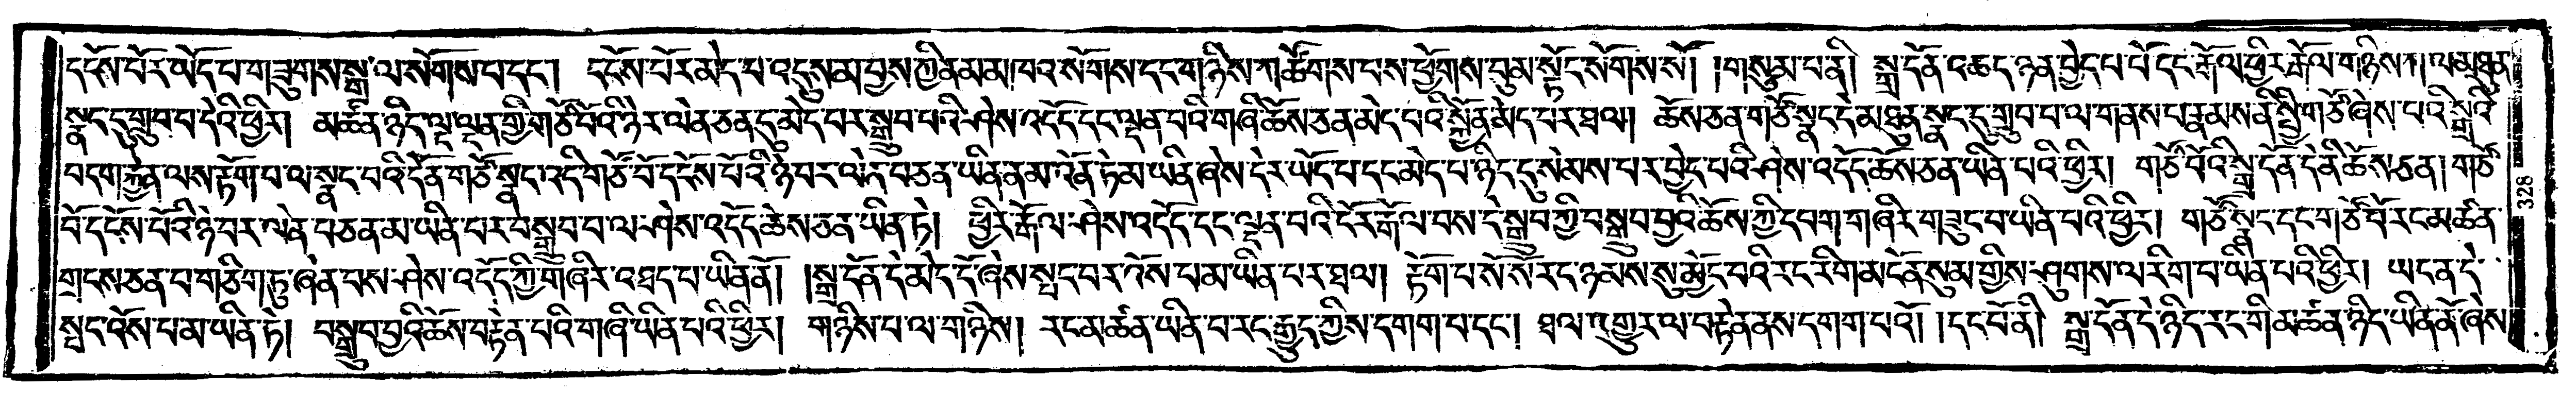དངོས་པོར་ཡོད་པ་གཟུགས་སྒྲ་ལ་སོགས་པ་དང་། དངོས་པོར་མེད་པ་འདུས་མ་བྱས་ཀྱི་ནམ་མཁའ་སོགས་དང་གཉིས་ཀ་ཚོགས་པས་ཕྱོགས་བུམ་སྟོང་སོགས་སོ། །གསུམ་པ་ནི། སྒྲ་དོན་འཆད་ཉན་བྱེད་པ་པོ་དང་རྒོལ་ཕྱིར་རྒོལ་གཉིས་ཀ་ལ་མཐུན་
སྣང་དུ་གྲུབ་པ་དེའི་ཕྱིར། མཚན་ཉིད་ལྔ་ལྡན་གྱི་གཙོ་བོའི་ཉེར་ལེན་ཅན་དུ་མེད་པར་སྒྲུབ་པའི་ཤེས་འདོད་དང་ལྡན་པའི་གཞི་ཆོས་ཅན་མེད་པའི་སྐྱོན་མེད་པར་ཐལ། ཆོས་ཅན་གཙོ་སྣང་དེ་མཐུན་སང་དུ་གྲུབ་པ་ལ་གནས་པ་རྣམས་ནི་སྤྱི་གཙོ་ཞེས་པའི་སྒྲའི་
བདག་རྐྱན་ལས་རྟོག་པ་ལ་སྣང་བའི་དོན་གཙོ་སྣང་འདི་གཙོ་བོ་དངོས་པོའི་ཉེ་བར་ལེན་བཅན་ཡིན་ནམ་འོན་ཏེ་མ་ཡིན་ཞེས་དེ་ཡོད་པ་དང་མེད་པ་ཉིད་དུ་སེམས་པར་བྱེད་པའི་ཤེས་འདོད་ཆོས་ཅན་ཡིན་པའི་ཕྱིར། གཙོ་བོའི་སྒྲ་དོན་དེ་ནི་ཆོས་ཅན། གཙོ་
བོ་དངོས་པོའི་ཉེ་བར་ལེན་པ་ཅན་མ་ཡིན་པར་བསྒྲུབ་བ་ལ་ཤེས་འདོད་ཆེས་ཅན་ཡིན་ཏེ། ཕྱིར་རྒོལ་ཤེས་འདོད་དང་ལྡན་བའི་ངོར་རྒོལ་བས་དེ་སྒྲུབ་ཀྱི་བསྒྲུབ་བྱའི་ཆོས་ཀྱི་དཔག་གཞིར་གཟུང་བ་ཡིན་པའི་ཕྱིར། གཙོ་སྣང་དང་གཙོ་བོ་རང་མཚན་
གྲངས་ཅན་པ་གཅིག་ཏུ་ཞེན་པས་ཤེས་འདོད་ཀྱི་གཞིར་འཐད་པ་ཡིན་ནོ། །སྒྲ་དོན་དེ་མེད་དོ་ཞེས་སྤང་བར་འོས་པ་མ་ཡིན་པར་ཐལ། རྟོག་པ་སོ་སོར་རང་ཉམས་སུ་མྱོང་བའི་རང་རིག་མངོན་སུམ་གྱིས་ཤུག་ལ་རིག་པ་ཡིན་པའི་ཕྱིར། ཡང་ན་དེ་
སྤང་འོས་པ་མ་ཡིན་ཏེ། བསྒྲུབ་བྱའི་ཆོས་བརྟེན་པའི་གཞི་ཡིན་པའི་ཕྱིར། གཉིས་པ་ལ་གཉིས། རང་མཚན་ཡིན་པ་རང་རྒྱུད་ཀྱིས་དགག་པ་དང་། ཐལ་འགྱུར་ལ་བརྟེན་ནས་དགག་པའོ། །དང་པོ་ནི། སྒྲ་དོན་དེ་ཉིད་རང་གི་མཚན་ཉིད་ཡིན་ནོ་ཞེས་